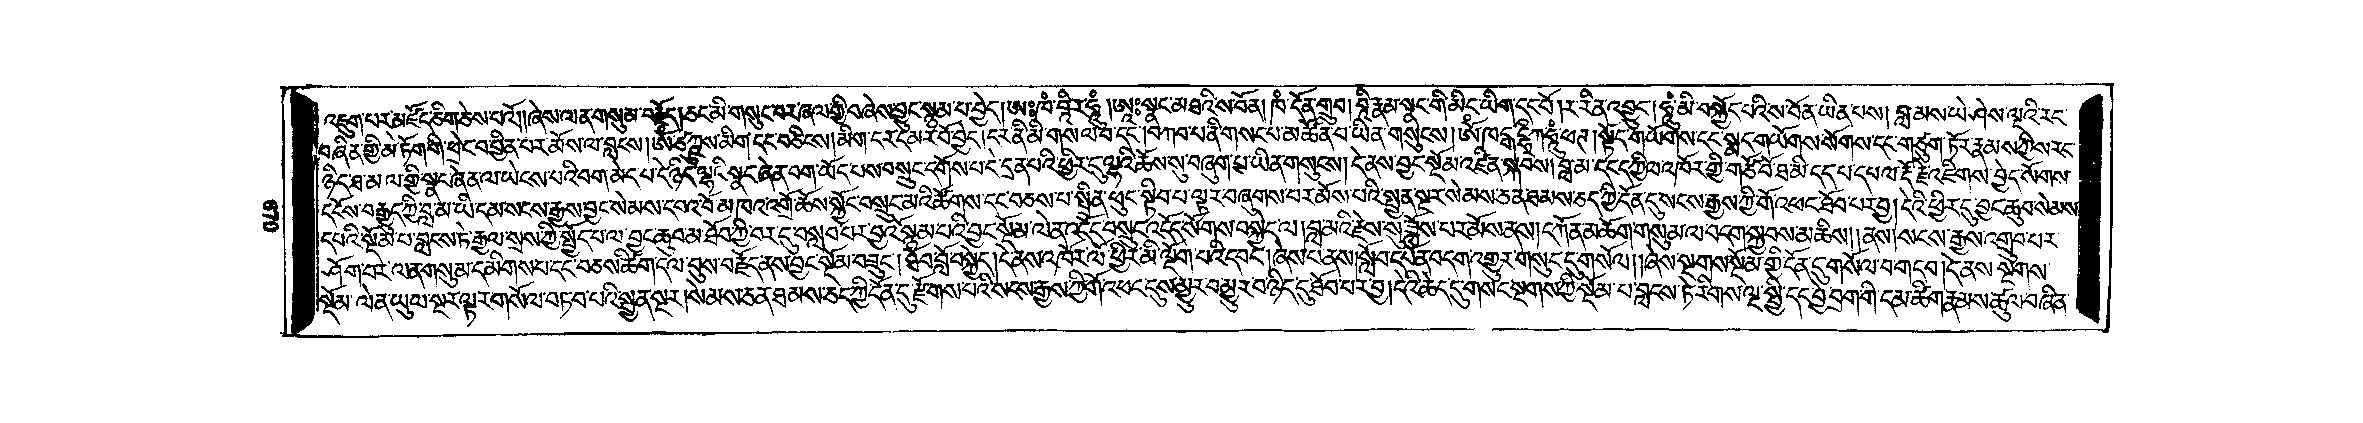འཇུག་པར་མཛོད་ཅིག་ཅེས་པའོ། །ཞེས་ལན་གསུམ་བརྗོད། ཅང་མི་གསུང་བར་ཞལ་གྱི་བཞེས་བྱུང་སྙམ་པ་བྱེད། ཨཿ ཁཾ་བཱི་ར་ཧཱུཾ། ཨཱཿ སྣང་མཐའི་ས་བོན། ཁཾ་དོན་གྲུབ། བཱི་རྣམ་སྣང་གི་མིང་ཡིག་དང་པོ། ར་རིན་འབྱུང་། ཧཱུཾ་མི་བསྐྱོད་པའི་ས་བོན་ཡིན་པས། བླ་མས་ཡེ་ཤེས་ལྔའི་རང་
བཞིན་གྱི་མེ་ཏོག་གི་ཕྲེང་བ་བྱིན་པར་མོས་ལ་བླངས། ཨོཾ་ཙཀྵུས་མིག་དང་བཅིངས། མིག་དར་དམར་པོ་བྱེད། དར་ནི་མི་གསལ་བ་དང་། བཀབ་པ་ནི་གསང་བ་མཚོན་པ་ཡིན་གསུངས། ཨོཾ་ཁངྒ་དྷྲེཨྀཀ་ཧཱུཾ་ཕཊ། སྟོད་གཡོགས་དང་སྨད་གཡོགས་སོགས་དང་གཙུག་ཏོར་རྣམས་ཀྱིས་རང་
ཉིད་ཐ་མལ་གྱི་སྣང་ཞེན་ལ་ཡེངས་པའི་བག་མེད་པ་དེ་ཉིད་ལྷའི་སྣང་ཞེན་བག་ཡོད་པས་བསྲུང་དགོས་པ་དེ་དྲན་པའི་ཕྱིར་དུ་ལྷའི་ཆོས་སུ་བཞུག་པ་ཡིན་གསུངས། དེ་ནས་བྱང་སྡོམ་འཛིན་སྐབས། བླ་མ་དང་དཀྱིལ་འཁོར་གྱི་གཙོ་བོ་ཐ་མི་དད་པ་དཔལ་རྡོ་རྗེ་འཇིགས་བྱེད་སོགས་
དངོས་བརྒྱུད་ཀྱི་བླ་མ་ཡི་དམ་སངས་རྒྱས་བྱང་སེམས་དཔའ་བོ་མཁའ་འགྲོ་ཆོས་སྐྱོང་བསྲུང་མའི་ཚོགས་དང་བཅས་པ་སྤྲིན་ཕུང་སྟིབ་པ་ལྟར་བཞུགས་པར་མོས་པའི་སྤྱན་སྔར་སེམས་ཅན་ཐམས་ཅད་ཀྱི་དོན་དུ་སངས་རྒྱས་ཀྱི་གོ་འཕང་ཐོབ་པར་བྱ། དེའི་ཕྱིར་དུ་བྱང་ཆུབ་སེམས་
དཔའི་སྡོམ་པ་བླངས་ཏེ་རྒྱལ་སྲས་ཀྱི་སྤྱོད་པ་ལ་བྱང་ཆུབ་མ་ཐོབ་ཀྱི་བར་དུ་བསླབ་པར་བྱའོ་སྙམ་པའི་བྱང་སྡོམ་ལེན་འདོད་བསྲུང་འདོད་སོགས་བསྐྱེད་ལ། བླ་མའི་རྗེས་སུ་ཟློས་པར་མོས་ནས། དཀོན་མཆོག་གསུམ་ལ་བདག་སྐྱབས་མཆིས། །ནས། སངས་རྒྱས་འགྲུབ་པར་
ཤོག་བར་ལན་གསུམ་དམིགས་པ་དང་བཅས་ཚིག་དལ་བུས་བརྗོད་ནས་བྱང་སྡོམ་བཟུང་། ཐོབ་བློ་བསྐྱེད། དེ་ནས་འཁོར་ལོ་ཕྱིར་མི་ལྡོག་གྤའི་དབང་། ཞེས་པ་ནས། སློབ་དཔོན་བདག་འགྱུར་གསུང་དུ་གསོལ། །ཞེས་སྔགས་སྡོམ་གྱི་དོན་དུ་གསོལ་བ་གདབ། དེ་ནས་སྔགས་
སྡོམ་ལེན་ཡུལ་སྔར་ལྟར་གསོལ་བཏབ་པའི་སྤྱན་སྔར། སེམས་ཅན་ཐམས་ཅད་ཀྱི་དོན་དུ་རྫོགས་པའི་སངས་རྒྱས་ཀྱི་གོ་འཕང་དུས་མྱུར་བ་མྱུར་བ་ཉིད་དུ་ཐོབ་པར་བྱ། དེའི་ཆེད་དུ་གསང་སྔགས་ཀྱི་སྔགས་ཀྱི་སྡོམ་པ་བླངས་ཏེ་རིགས་ལྔ་སྤྱི་དང་བྱེ་བྲག་གི་དམ་ཚིག་རྣམས་ཚུལ་བཞིན་